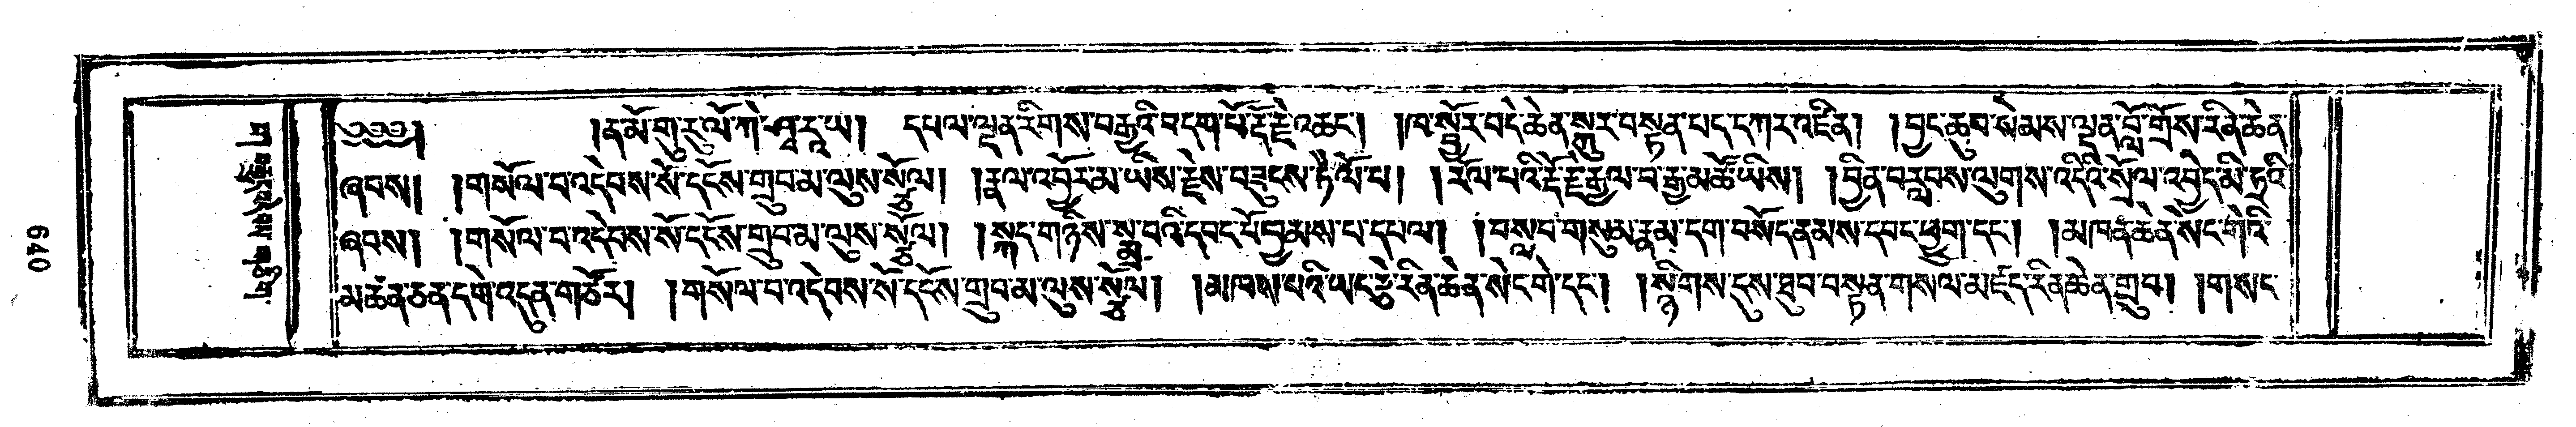༄༅༅། །ན་མོ་གུ་རུ་ལོ་ཀེ་ཤྭ་རཱ་ཡ། དཔལ་ལྡན་རིགས་བརྒྱའི་བདག་པོ་རྡོ་རྗེ་འཆང་། །ཁ་སྦྱོར་བདེ་ཆེན་སྐུར་བསྟན་པད་དཀར་འཛིན། །བྱང་ཆུབ་སེམས་ལྡན་བློ་གྲོས་རིན་ཆེན་
ཞབས། །གསོལ་བ་འདེབས་སོ་དངོས་གྲུབ་མ་ལུས་སྩོལ། །རྣལ་འབྱོར་མ་ཡིས་རྗེས་བཟུངས་ཏཻ་ལོ་པ། །རོལ་པའི་རྡོ་རྗེ་རྒྱལ་བ་རྒྱ་མཚོ་ཡིས། །བྱིན་བརླབས་ལུགས་འདིའི་སྲོལ་འབྱེད་མི་ཏྲའི་
ཞབས། །གསོལ་བ་འདེབས་སོ་དངོས་གྲུབ་མ་ལུས་སྩོལ། །སྐད་གཉིས་སྨྲ་བའི་དབང་པོ་བྱམས་པ་དཔལ། །བསླབ་གསུམ་རྣམ་དག་བསོད་ནམས་དབང་ཕྱུག་དང་། །མཁན་ཆེན་སེང་གེའི་
མཚན་ཅན་དགེ་འདུན་གཙོར། །གསོལ་བ་འདེབས་སོ་དངོས་གྲུབ་མ་ལུས་སྩོལ། །མཁས་པའི་ཡང་རྩེ་རིན་ཆེན་སེང་གེ་དང་། །སྙིགས་དུས་ཐུབ་བསྟན་གསལ་མཛད་རིན་ཆེན་གྲུབ། །གསང་